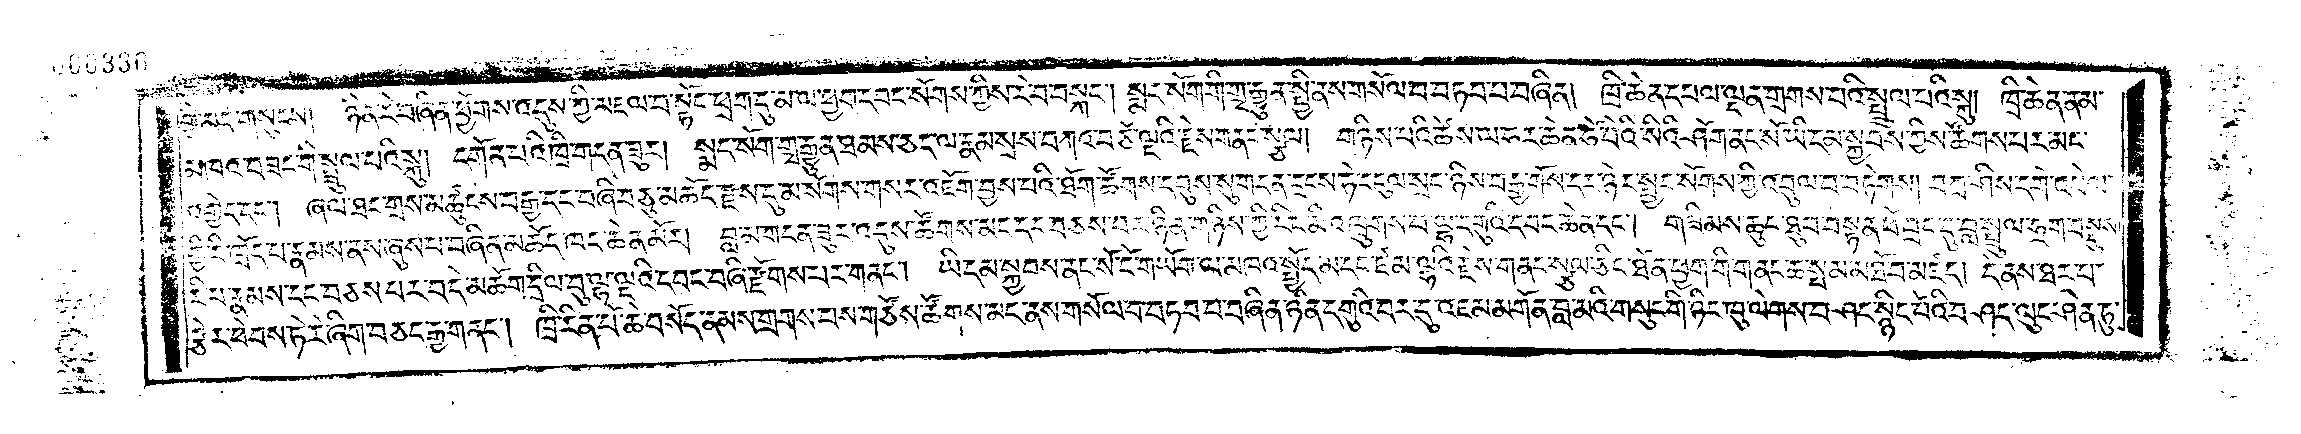གྱི་མདོ་གསུངས། ཉིན་རེ་བཞིན་ཕྱོགས་འདུས་ཀྱི་མཇལ་བ་སྟོང་ཕྲག་དུ་མ་ལ་ཕྱག་དབང་སོགས་ཀྱིས་རེ་བ་བསྐང་། སྨད་སོག་གི་གྲྭ་རྒྱུན་སྤྱི་ནས་གསོལ་བ་བཏབ་པ་བཞིན། ཁྲི་ཆེན་དཔལ་ལྡན་གྲགས་པའི་སྤྲུལ་པའི་སྐུ། ཁྲི་ཆེན་ནམ་
མཁའ་བཟང་གི་སྤྲུལ་པའི་སྐུ། དགོན་པའི་ཁྲི་གདན་ཟུར། སྨད་སོག་གྲྭ་རྒྱུན་ཐམས་ཅད་ལ་རྣམ་སྲས་བཀའ་བཅོ་ལྔའི་རྗེས་གནང་སྩལ། གཉིས་པའི་ཚེས་ལ་ཧར་ཆེན་ཧོ་བེའི་སིའི་ཤོག་ནང་སོ་ཡི་དམ་སྐྱབས་ཀྱིས་ཚོགས་པར་མང་
འགྱེད་དང་། ཞལ་ཐང་གྲས་མཚུངས་བརྒྱ་དང་བཞི་བཅུ་མཆོད་རྫས་དུ་མ་སོགས་གསར་འཇོག་བྱས་པའི་ཐོག་ཚོགས་དབུས་སུ་གདན་དྲངས་ཏེ་དངུལ་སྲང་ཉིས་བརྒྱ་གོས་དར་ཉེར་སྤྱང་སོགས་ཀྱི་འབུལ་བ་བཏེགས། བཀྲ་ཤིས་དགེ་འཕེལ་
ཀྱི་རི་ཁྲོད་པ་རྣམས་ནས་ཞུས་པ་བཞིན་མཆོད་ཁང་ཆེན་མོར། བླ་མ་གདན་ཟུར་འདུས་ཚོགས་མང་དང་བཅས་པར་ཉིན་གཉིས་ཀྱི་རིང་མི་འཁྲུགས་པ་ལྷ་དགུའི་དབང་ཆེན་དང་། གཟིམས་ཆུང་ཐུབ་བསྟན་ཕོ་བྲང་དུ་བླ་སྤྲུལ་ཧྲག་བསྡུས་
རི་པ་རྣམས་དང་བཅས་པར་བདེ་མཆོག་དྲིལ་བུ་ལྷ་ལྔའི་དབང་བཞི་རྫོགས་པར་གནང་། ཡི་དམ་སྐྱབས་ནང་སོ་ངོ་གཡོག་ལ་མཁའ་སྤྱོད་མ་དང་ཛམ་ལྷའི་རྗེས་གནང་སྩལ་ཅིང་ཐོན་ཕྱག་གི་གནང་ཆ་སྤམ་མཐོ་བ་མཛད། དེ་ནས་ཐར་པ་
རྩེར་ཕེབས་ཏེ་རེ་ཞིག་བཅང་རྒྱ་གནང་། ཁྲི་རིན་པོ་ཆེ་བསོད་ནམས་གྲགས་པས་གཙོས་ཚོགས་མང་ནས་གསོལ་བ་བཏབ་པ་བཞིན་ཉིན་གདྒུའི་བར་དུ་འཇམ་མགོན་བལ་མའི་གསུང་གི་ཉིང་ཁུ་ལེགས་པ་ཤད་སྙིང་བོའི་བཤད་ལུང་ཤིན་ཏུ་